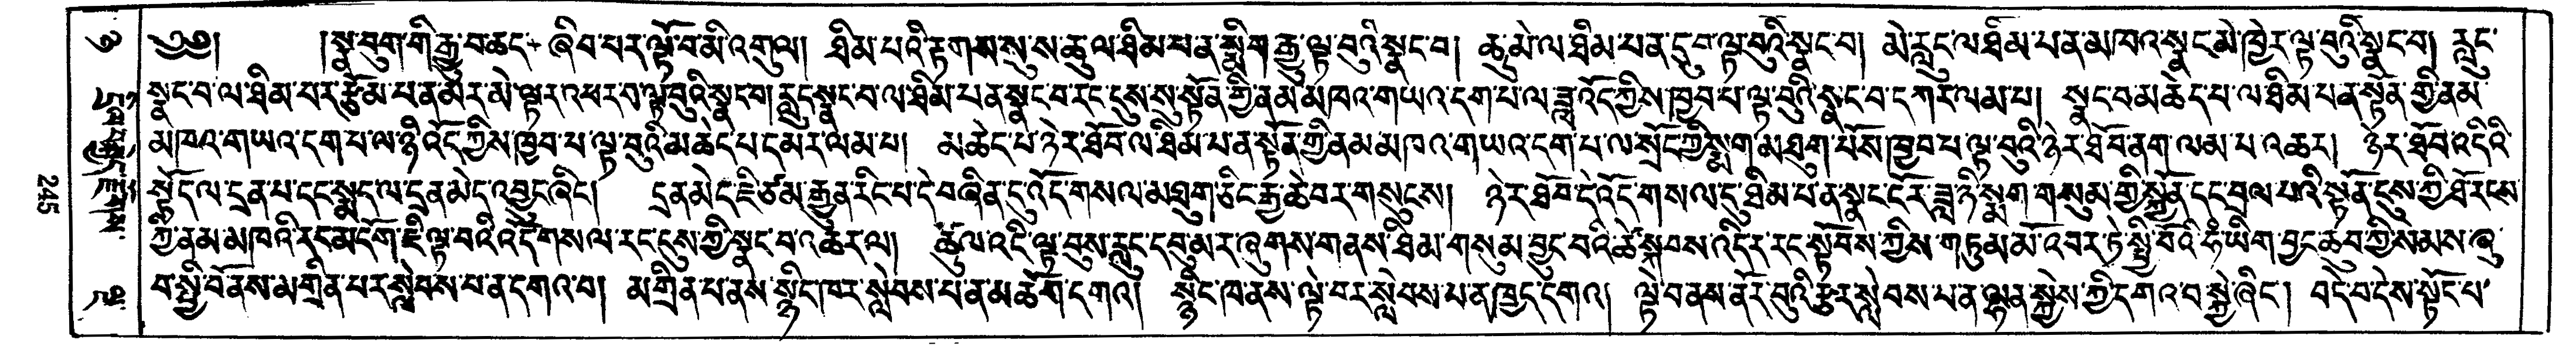༄༅། །སྣ་བུག་གི་རྒྱུ་བ་ཆད། ཞིབ་པར་ལྟོ་བ་མི་འགུལ། ཐིམ་པའི་རྟགས་སུ་ས་ཆུ་ལ་ཐིམ་པ་ན་སྨིག་རྒྱུ་ལྟ་བུའི་སྣང་བ། ཆུ་མེ་ལ་ཐིམ་པ་ན་དུ་བལྟ་བུའི་སྣང་བ། མེ་རླུང་ལ་ཐིམ་པ་ན་མཁའ་སྣང་མེ་ཁྱེར་ལྟ་བུའི་སྣང་བ། རླུང་
སྣང་བ་ལ་ཐིམ་པར་རྩོམ་པ་ན་མར་མེ་ལྟར་འབར་བ་ལྟ་བུའི་སྣང་བ། རླུང་སྣང་བ་ལ་ཐིམ་པ་ན་སྣང་བ་རང་དུས་སུ་སྟོན་གྱི་ནམ་མཁའ་གཡའ་དག་པ་ལ་ཟླ་འོད་ཀྱིས་ཁྱབ་པ་ལྟ་བུའི་སྣང་བ་དཀར་ལམ་པ། སྣང་བ་མཆེད་པ་ལ་ཐིམ་པ་ན་སྟོན་གྱི་ནམ་
མཁའ་གཡའ་དག་པ་ལ་ཉི་འོད་ཀྱིས་ཁྱབ་པ་ལྟ་བུའི་མཆེད་པ་དམར་ལམ་པ། མཆེད་པ་ཉེར་ཐོབ་ལ་ཐིམ་པ་ན་སྟོན་གྱི་ནམ་མཁའ་གཡའ་དག་པ་ལ་སྲོད་ཀྱི་སྨག་མཐུག་པོས་ཁྱབ་པ་ལྟ་བུའི་ཉེར་ཐོབ་ནག་ལམ་པ་འཆར། ཉེར་ཐོབ་འདིའི་
སྟོད་ལ་དྲན་པ་དང་སྨད་ལ་དྲན་མེད་འབྱུང་ཞིང་། དྲན་མེད་ཇི་ཙམ་རྒྱུན་རིང་བ་དེ་བཞིན་དུ་འོད་གསལ་མཐུག་ཅིང་རྒྱ་ཆེ་བར་གསུངས། ཉེར་ཐོབ་དེ་འོད་གསལ་དུ་ཐིམ་པ་ན་སྣང་ངོར་ཟླ་ཉི་སྨག་གསུམ་གྱི་སྐྱོན་དང་བྲལ་བའི་སྟོན་དུས་ཀྱི་ཐོ་རངས་
ཀྱི་ནམ་མཁའི་རང་མདོག་ཇི་ལྟ་བའི་འོད་གསལ་རང་དུས་ཀྱི་སྣང་བ་འཆར་ལ། ཚུལ་འདི་ལྟ་བུས་རླུང་དབུ་མར་ཞུགས་གནས་ཐིམ་གསུམ་བྱུང་བའི་ཚེ་སྐབས་འདིར་རང་སྟོབས་ཀྱིས་གཏུམ་མོ་འབར་ཏེ་སྤྱི་བོའི་ཧཾ་ཡིག་བྱང་ཆུབ་ཀྱི་སེམས་ཞུ་
བ་སྤྱི་བོ་ནས་མགྲིན་པར་སླེབས་པ་ན་དགའ་བ། མགྲིན་པ་ནས་སྙིང་ཁར་སླེབས་པ་ན་མཆོག་དགའ། སྙིང་ཁ་ནས་ལྟེ་བར་སླེབས་པ་ན་ཁྱད་དགའ། ལྟེ་བ་ནས་ནོར་བུའི་རྩེར་སླེབས་པ་ན་ལྷན་སྐྱེས་ཀྱི་དགའ་བ་སྐྱེ་ཞིང་། བདེ་བ་དེས་སྟོང་པ་